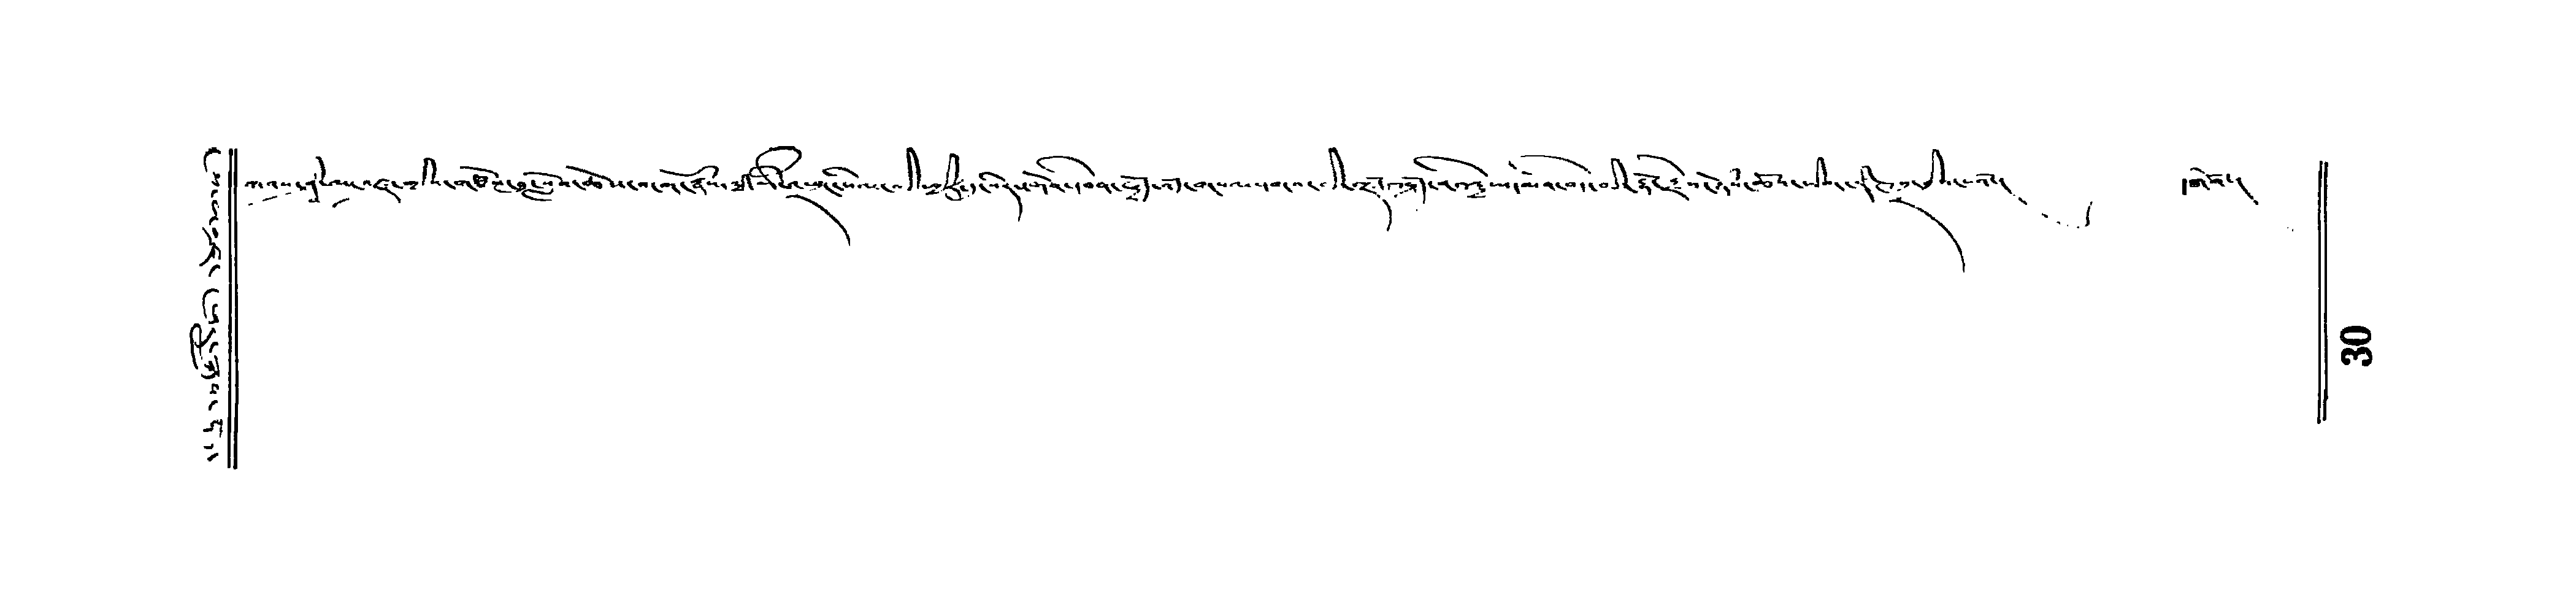གནས་ཤཱི་ལ་བཛྲ་གྱིས་གཙོས་བུ་སློབ་ཆོས་བདག་རྣམས་ཀྱི་ཚེ་འཕྲང་སེལ་བའི་ཕྱིར་དུ་སེར་དགོན་དབེན་ཁྲོད་འོད་གསལ་དགའ་བའི་ལྗོངས་ཤོད་ནས་སྐྱེས་དམན་བདེ་བའི་རྡོ་རྗེས་ཉམས་ཆོས་ཡིག་རིས་སུ་བྲིས་པའོ།། དགེའོ།།